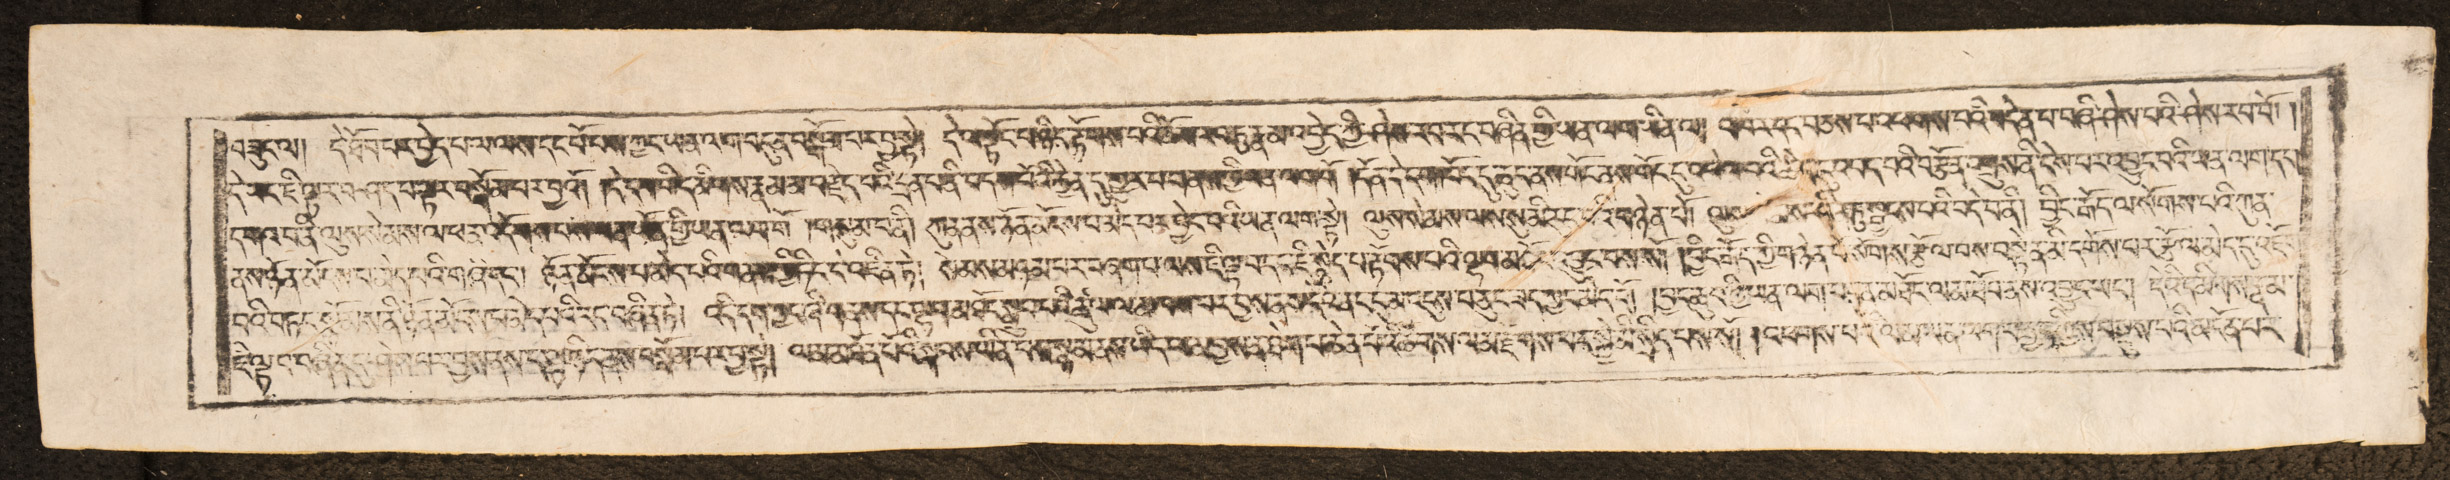བཟུང་ལ། དེ་ཐོབ་པར་བྱེད་པ་ལ་ལས་དང་པོ་པས་ཀྱང་ཡན་ལག་བདུན་བསྒོམ་པར་བྱ་སྟེ། དེ་ལ་སྟོང་པ་ཉིད་རྟོགས་པའི་ཆོས་རབ་ཏུ་རྣམ་འབྱེད་ཀྱི་ཤེས་རབ་རང་བཞིན་གྱི་ཡན་ལག་ཡིན་ལ། འཁོར་དང་བཅས་པ་འཕགས་པའི་བདེན་པ་བཞི་ཤེས་པའི་ཤེས་རབ་བོ། །
དེ་ཡང་ཇི་ལྟར་བཤད་པ་ལྟར་བསྒོམ་པར་བྱའོ། །དེ་དག་གི་དམིགས་རྣམ་མ་བརྗེད་པའི་དྲན་པ་ནི་བདག་པོའི་རྐྱེན་དུ་གྱུར་པ་གནས་ཀྱི་ཡན་ལག་གོ །དོན་དེ་དག་ཁོང་དུ་ཆུད་ནས་གོང་ནས་གོང་དུ་འཕེལ་བའི་ཆེད་དུ་འབད་པའི་བརྩོན་འགྲུས་ནི་ངེས་པར་འབྱུང་བའི་ཡན་ལག་དང་།
དགའ་བ་ནི་ལུས་སེམས་ལ་ཕན་འདོགས་པས་ཕན་ཡོན་གྱི་ཡན་ལག་གོ །གསུམ་པ་ནི། ཀུན་ནས་ཉོན་མོངས་པ་མེད་པར་བྱེད་པའི་ཡན་ལག་སྟེ། ལུས་སེམས་ལས་སུ་མི་རུང་བའི་གཉེན་པོ། ལུས་སེམས་ཤིན་ཏུ་སྦྱངས་པའི་བདེ་བ་ནི། བྱིང་རྒོད་ལ་སོགས་པའི་ཀུན་
ནས་ཉོན་མོངས་པ་མེད་པའི་གཞི་དང་། ཉོན་མོངས་པ་མེད་པའི་གནས་ཀྱི་ཏིང་ངེ་འཛིན་ཏེ། སེམས་མཉམ་པར་བཞག་པ་ལས་ཇི་ལྟ་བ་དང་ཇི་སྙེད་པ་རྟོགས་པའི་ལྷག་མཐོང་འབྱུང་བས་སོ། །བྱིང་རྒོད་ཀྱི་གཉེན་པོ་སོགས་རྩོལ་བས་བསྟེན་མི་དགོས་པར་རྩོལ་མེད་དུ་འཇོག་
པའི་བཏང་སྙོམས་ནི་ཉོན་མོངས་པ་མེད་པའི་རང་བཞིན་ཏེ། འདི་དག་ཀྱང་ཞི་གནས་དང་ལྷག་མཐོང་སྒྲུབ་པའི་ཚུལ་ལ་མཁས་པར་བྱས་ནས་དེའི་ནང་དུ་མ་འདུས་པ་ཅུང་ཟད་ཀྱང་མེད་དོ། །བྱང་ཆུབ་ཀྱི་ཡན་ལག་བདུན་མཐོང་ལམ་ཐོབ་ནས་འབྱུང་ཡང་། དེའི་དམིགས་རྣམ་
ཇི་ལྟ་བ་བཞིན་དུ་ཤེས་པར་བྱས་ནས་ད་ལྟ་ཉིད་ནས་བསྒོམ་པར་བྱ་སྟེ། ལམ་མཐོན་པོའི་སྐབས་ཡིན་པས་སྙམ་ནས་ཡིད་ལ་མ་བྱས་ན་ཐེག་པ་ཆེན་པོའི་ཚོགས་ལམ་རྫོགས་པར་སྐྱེ་མི་སྲིད་པས་སོ། །འཕགས་པའི་ལམ་ཡན་ལག་བརྒྱད་ཀྱིས་བསྡུས་པའི་མངོན་པར་